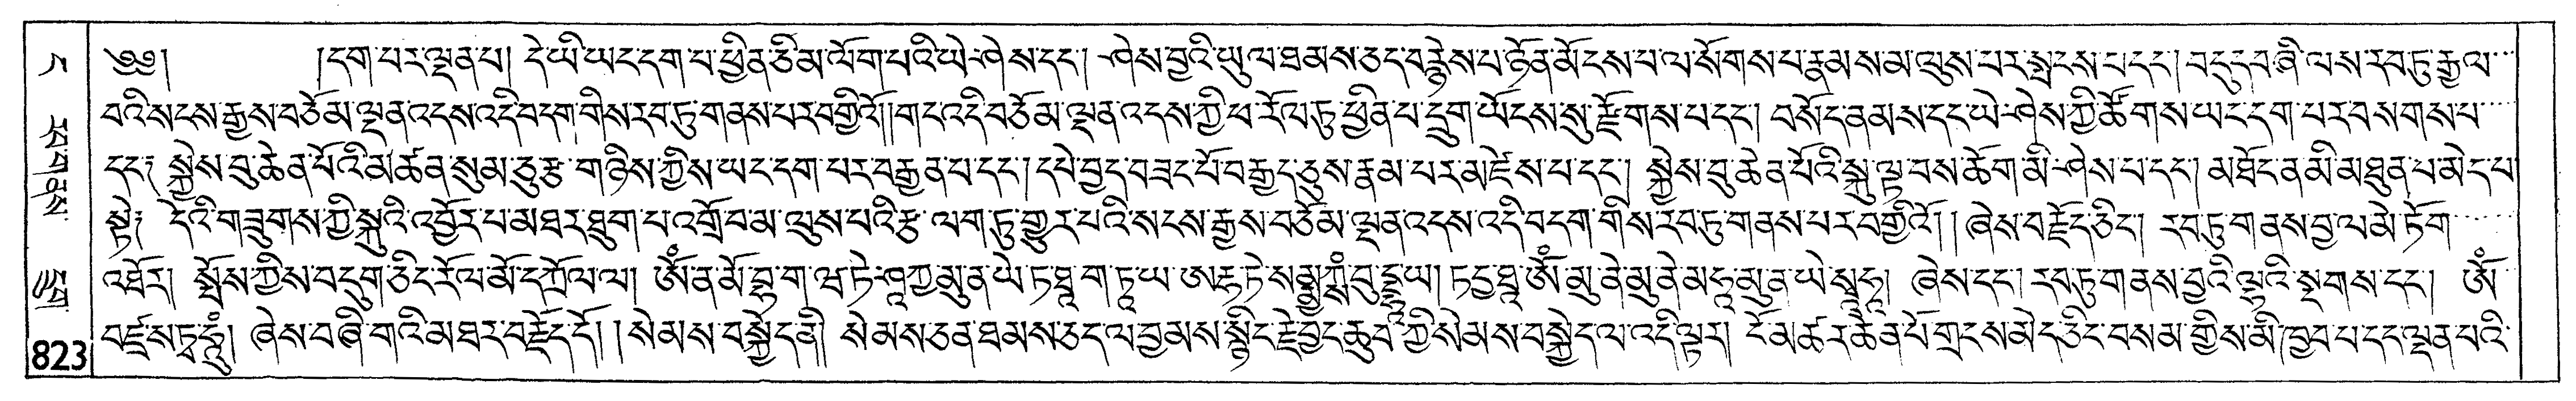༄༅། །དག་པར་ལྡན་པ། དེ་ཡི་ཡང་དག་པ་ཕྱིན་ཅི་མ་ལོག་པའི་ཡེ་ཤེས་དང་། ཤེས་བྱའི་ཡུལ་ཐམས་ཅད་བརྙེས་པ་ཉོན་མོངས་པ་ལ་སོགས་པ་རྣམས་མ་ལུས་པར་སྤངས་པ་དང་། བདུད་བཞི་ལས་རབ་ཏུ་རྒྱལ་
བའི་སངས་རྒྱས་བཅོམ་ལྡན་འདས་འདི་བདག་གིས་རབ་ཏུ་གནས་པར་བགྱིའོ། །གང་འདི་བཅོམ་ལྡན་འདས་ཀྱི་ཕ་རོལ་ཏུ་ཕྱིན་པ་དྲུག་ཡོངས་སུ་རྫོགས་པ་དང་། བསོད་ནམས་དང་ཡེ་ཤེས་ཀྱི་ཚོགས་ཡང་དག་པར་བསགས་པ་
དང༑ སྐྱེས་བུ་ཆེན་པོའི་མཚན་སུམ་ཅུ་རྩ་གཉིས་ཀྱིས་ཡང་དག་པར་བརྒྱན་པ་དང་། དཔེ་བྱད་བཟང་པོ་བརྒྱད་ཅུས་རྣམ་པར་མཛེས་པ་དང་། སྐྱེས་བུ་ཆེན་པོའི་སྐུ་ལྟ་བས་ཆོག་མི་ཤེས་པ་དང་། མཐོང་ན་མི་མཐུན་པ་མེད་པ་
སྟེ། དེའི་གཟུགས་ཀྱི་སྐུའི་འབྱོར་པ་མཐར་ཐུག་པ་འགྲོ་བ་མ་ལུས་པའི་རྩ་ལག་ཏུ་གྱུར་པའི་སངས་རྒྱས་བཅོམ་ལྡན་འདས་འདི་བདག་གིས་རབ་ཏུ་གནས་པར་བགྱིའོ། །ཞེས་བརྗོད་ཅིང་། རབ་ཏུ་གནས་བྱ་ལ་མེ་ཏོག་
འཐོར། སྤོས་ཀྱིས་བདུག་ཅིང་རོལ་མོ་དཀྲོལ་ལ། ཨོཾ་ན་མོ་བྷ་ག་ཝ་ཏེ་ཤཱཀྱ་མུ་ན་ཡེ་ཏ་ཐཱ་ག་ཏཱ་ཡ་ཨརྷ་ཏེ་སམྨྱཀྶཾ་བུ་དྡྷཱ་ཡ། ཏདྱ་ཐཱ་ཨོཾ་མུ་ནེ་མུ་ནེ་མཧཱ་མུ་ན་ཡེ་སྭཱཧཱ། ཞེས་དང་། རབ་ཏུ་གནས་བྱའི་ལྷའི་སྔགས་དང་། ཨོཾ་
བཛྲ་སཏྭ་ཧཱུཾ། ཞེས་བཞི་གའི་མཐར་བརྗོད་དོ། །སེམས་བསྐྱེད་ནི། སེམས་ཅན་ཐམས་ཅད་ལ་བྱམས་སྙིང་རྗེ་བྱང་ཆུབ་ཀྱི་སེམས་བསྐྱེད་ལ་འདི་ལྟར། ངོ་མཚར་ཆེན་པོ་གྲངས་མེད་ཅིང་བསམ་གྱིས་མི་ཁྱབ་པ་དང་ལྡན་པའི་